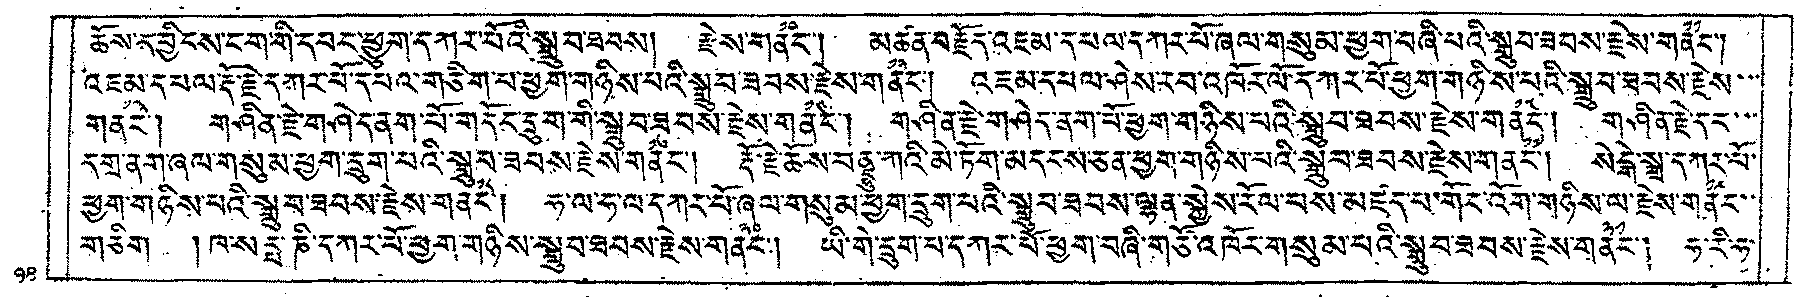ཆོས་དབྱིངས་ངག་གི་དབང་ཕྱག་དཀར་པོའི་སྒྲུབ་ཐབས། རྗེས་གནང ༡༠། མཚན་བརྗོད་འཇམ་དཔལ་དཀར་པོ་ཞལ་གསུམ་ཕྱག་བཞི་པའི་སྒྲུབ་ཐབས་རྗེས་གནང ༡༡།
འཇམ་དཔལ་རྡོ་རྗེ་དཀར་པོ་དཔའ་གཅིག་པ་ཕྱག་གཉིས་པའི་སྒྲུབ་ཐབས་རྗེས་གནང ༡༢། འཇམ་དཔལ་ཤེས་རབ་འཁོར་ལོ་དཀར་པོ་ཕྱག་གཉིས་པའི་སྒྲུབ་ཐབས་རྗེས་
གནང ༡༣། གཤིན་རྗེ་གཤེད་ནག་པོ་གདོང་དྲུག་གི་སྒྲུབ་ཐབས་རྗེས་གནང ༡༤། གཤིན་རྗེ་གཤེད་ནག་པོ་ཕྱག་གཉིས་པའི་སྒྲུབ་ཐབས་རྗེས་གནང ༡༥། གཤིན་རྗེ་དང་
དགྲ་ནག་ཞལ་གསུམ་ཕྱག་དྲུག་པའི་སྒྲུབ་ཐབས་རྗེས་གནང ༡༦། རྡོ་རྗེ་ཆོས་བནྡྷུ་ཀའི་མེ་ཏོག་མདངས་ཅན་ཕྱག་གཉིས་པའི་སྒྲུབ་ཐབས་རྗེས་གནང ༡༧། སེངྒེ་སྒྲ་དཀར་པོ་
ཕྱག་གཉིས་པའི་སྒྲུབ་ཐབས་རྗེས་གནང ༡༨། ཧ་ལ་ཧ་ལ་དཀར་པོ་ཞལ་གསུམ་ཕྱག་དྲུག་པའི་སྒྲུབ་ཐབས་ལྷན་སྐྱེས་རོལ་པས་མཛད་པ་གོང་འོག་གཉིས་ལ་རྗེས་གནང ༡༩
གཅིག །ཁ་སརྤ་ཎི་དཀར་པོ་ཕྱག་གཉིས་སྒྲུབ་ཐབས་རྗེས་གནང ༢༠། ཡི་གེ་དྲུག་པ་དཀར་པོ་ཕྱག་བཞི་གཙོ་འཁོར་གསུམ་པའི་སྒྲུབ་ཐབས་རྗེས་གནང ༢༡། ཧ་རི་ཧ་